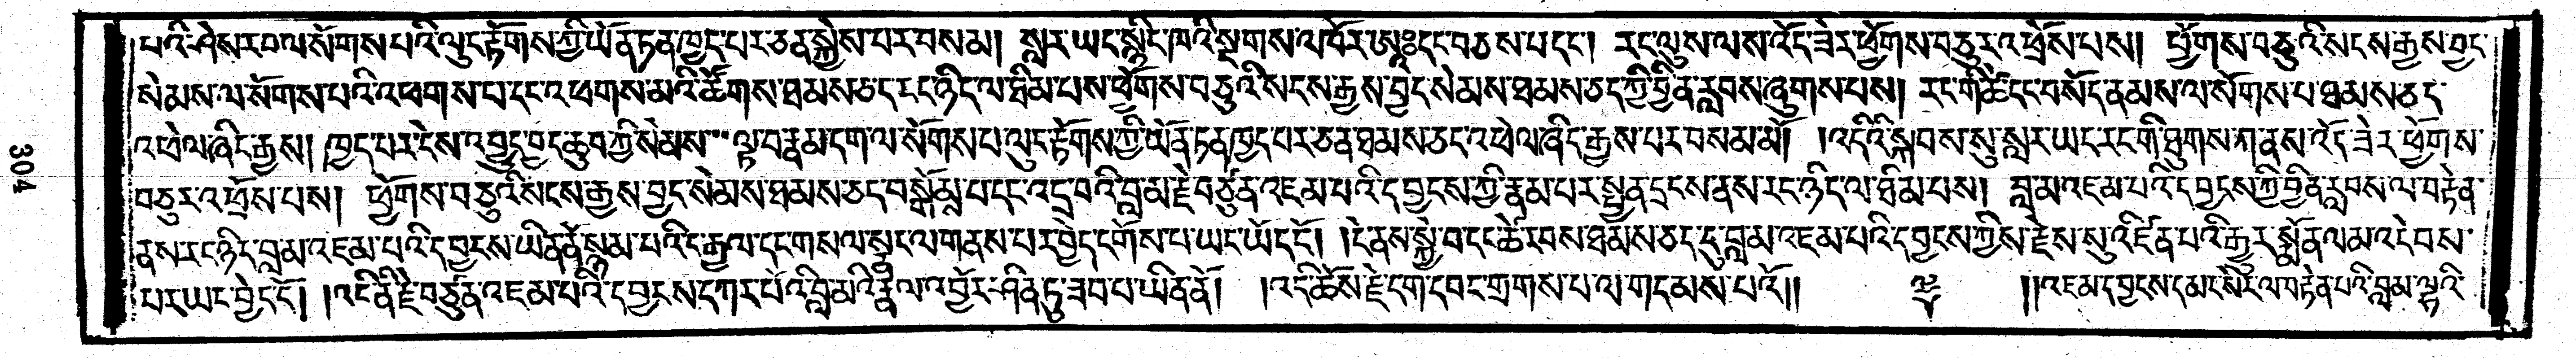པའི་ཤེས་རབ་ལ་སོགས་པའི་ལུང་རྟོགས་ཀྱི་ཡོན་ཏན་ཁྱད་པར་ཅན་སྐྱེས་པར་བསམ། སླར་ཡང་སྙིང་ཁའི་སྔགས་འཁོར་ཨཱཿ དང་བཅས་པ་དང་། རང་ལུས་ལས་འོད་ཟེར་ཕྱོགས་བཅུར་འཕྲོས་པས། ཕྱོགས་བཅུའི་སངས་རྒྱས་བྱང་
སེམས་ལ་སོགས་པའི་འཕགས་པ་དང་འཕགས་མའི་ཚོགས་ཐམས་ཅད་རང་ཉིད་ལ་ཐིམ་པས་ཕྱོགས་བཅུའི་སངས་རྒྱས་བྱང་སེམས་ཐམས་ཅད་ཀྱི་བྱིན་རླབས་ཞུགས་པས། རང་གི་ཚེ་དང་བསོད་ནམས་ལ་སོགས་པ་ཐམས་ཅད་
འཕེལ་ཞིང་རྒྱས། ཁྱད་པར་ངེས་འབྱུང་བྱང་ཆུབ་ཀྱི་སེམས་ལྟ་བ་རྣམ་དག་ལ་སོགས་པ་ལུང་རྟོགས་ཀྱི་ཡོན་ཏན་ཁྱད་པར་ཅན་ཐམས་ཅད་འཕེལ་ཞིང་རྒྱས་པར་བསམ་མོ། །འདིའི་སྐབས་སུ་སླར་ཡང་རང་གི་ཐུགས་ཀ་ནས་འོད་ཟེར་ཕྱོགས་
བཅུར་འཕྲོས་པས། ཕྱོགས་བཅུའི་སངས་རྒྱས་བྱང་སེམས་ཐམས་ཅད་བསྒོམས་པ་དང་འདྲ་བའི་བླ་མ་རྗེ་བཙུན་འཇམ་པའི་དབྱངས་ཀྱི་རྣམ་པར་སྤྱན་དྲངས་ནས་རང་ཉིད་ལ་ཐིམ་པས། བླ་མ་འཇམ་པའི་དབྱངས་ཀྱི་བྱིན་རླབས་ལ་བརྟེན་
ནས་རང་ཉིད་བླ་མ་འཇམ་པའི་དབྱངས་ཡིན་ནོ་སྙམ་པའི་ང་རྒྱལ་དང་གསལ་སྣང་ལ་གནས་པར་བྱེད་དགོས་པ་ཡང་ཡོད་དོ། །དེ་ནས་སྐྱེ་བ་དང་ཚེ་རབས་ཐམས་ཅད་དུ་བླ་མ་འཇམ་པའི་དབྱངས་ཀྱིས་རྗེས་སུ་འཛིན་པའི་རྒྱུར་སྨོན་ལམ་འདེབས་
པར་ཡང་བྱེད་དོ། །འདི་ནི་རྗེ་བཙུན་འཇམ་པའི་དབྱངས་དཀར་པོའི་བླ་མའི་རྣལ་འབྱོར་ཤིན་ཏུ་ཟབ་པ་ཡིན་ནོ། །འདི་ཆོས་རྗེ་ངག་དབང་གྲགས་པ་ལ་གདམས་པའོ།། ༈ །།འཇམ་དབྱངས་དམར་སེར་ལ་བརྟེན་པའི་བླ་མ་ལྷའི་